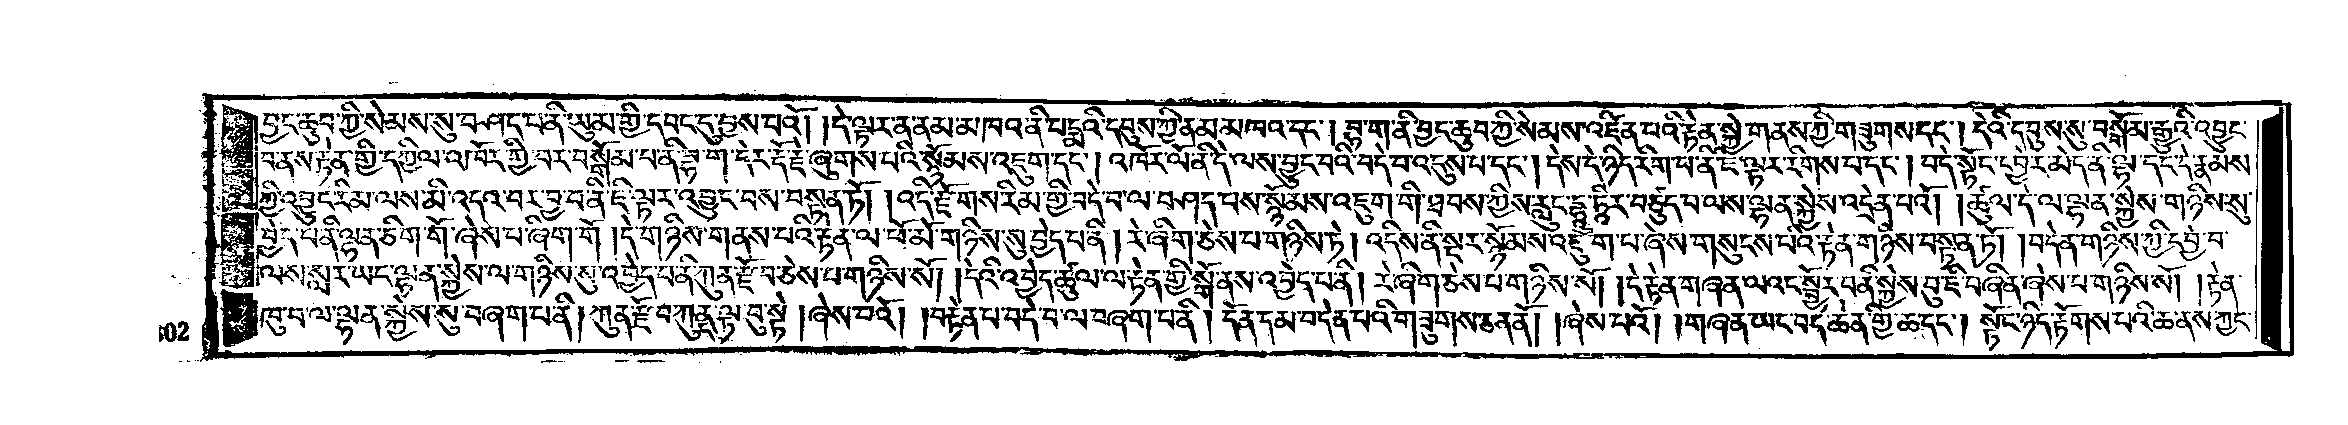བྱང་ཆུབ་ཀྱི་སེམས་སུ་བཤད་པ་ནི་ཡུམ་གྱི་དབང་དུ་བྱས་པའོ། །དེ་ལྟར་ན་ནམ་མཁའ་ནི་པདམའི་དབུས་ཀྱི་ནམ་མཁའ་དང་། བྷ་ག་ནི་བྱང་ཆུབ་ཀྱི་སེམས་འཛིན་པའི་རྟེན་སྐྱེ་གནས་ཀྱི་གཟུགས་དང་། དེའི་དབུས་སུ་བསྒོམ་རྒྱུའི་འབྱུང་
བ་ནས་རྟེན་གྱི་དཀྱིལ་འཁོར་གྱི་བར་བསྒོམ་པ་ནི་བྷ་ག་དེར་རྡོ་རྗེ་ཞུགས་པའི་སྙོམས་འཇུག་དང་། འཁོར་ལོ་ནི་དེ་ལས་བྱུང་བའི་བདེ་བ་འདུས་པ་དང་། དེས་དེ་ཉིད་རིག་པ་ནི་ཇི་ལྟར་རིགས་པ་དང་། བདེ་སྟོང་དབྱེར་མེད་ནི་ལྷ་དང་དེ་རྣམས་
ཀྱི་འབྱུང་རིམ་ལས་མི་འདའ་བར་བྱ་བ་ནི་ཇི་ལྟར་འབྱུང་བས་བསྟན་ཏོ། །འདི་རྫོགས་རིམ་གྱི་བདེ་བ་ལ་བཤད་པས་སྙོམས་འཇུག་གི་ཐབས་ཀྱིས་རླུང་དྷཱུ་ཏཱིར་བཙུད་པ་ལས་ལྷན་སྐྱེས་འདྲེན་པའོ། །ཚུལ་དེ་ལ་ལྷན་སྐྱེས་གཉིས་སུ་
བྱེད་པ་ནི་ལྷན་ཅིག་གོ་ཞེས་པ་ཞིག་གོ །དེ་གཉིས་གནས་པའི་རྟེན་ལ་ཕོ་མོ་གཉིས་སུ་བྱེད་པ་ནི། རེ་ཞིག་ཅེས་པ་གཉིས་ཏེ། འདིས་ནི་སྔར་སྙོམས་འཇུག་པ་ཞེས་གསུངས་པའི་རྟེན་གཉིས་བསྟན་ཏོ། །བདེན་གཉིས་ཀྱི་དབྱེ་བ་
ལས་སླར་ཡང་ལྷན་སྐྱེས་ལ་གཉིས་སུ་འབྱེད་པ་ནི་ཀུན་རྫོབ་ཅེས་པ་གཉིས་སོ། །དེའི་འབྱེད་ཚུལ་ལ་རྟེན་གྱི་སྒོ་ནས་འབྱེད་པ་ནི། རེ་ཞིག་ཅེས་པ་གཉིས་སོ། །དེ་རྟེན་གཞན་ལའང་སྦྱོར་བ་ནི་སྐྱེས་བུ་ཇི་བཞིན་ཞེས་པ་གཉིས་སོ། །རྟེན་
ཁུ་བ་ལ་ལྷན་སྐྱེས་སུ་བཞག་པ་ནི། ཀུན་རྫོབ་ཀུནྡ་ལྟ་བུ་སྟེ། ཞེས་པའོ། །བརྟེན་པ་བདེ་བ་ལ་བཞག་པ་ནི། དོན་དམ་བདེན་པའི་གཟུགས་ཅན་ནོ། །ཞེས་པའོ། །གཞན་ཡང་བདེ་ཆེན་གྱི་ཆ་དང་། སྟོང་ཉིད་རྟོགས་པའི་ཆ་ནས་ཀྱང་